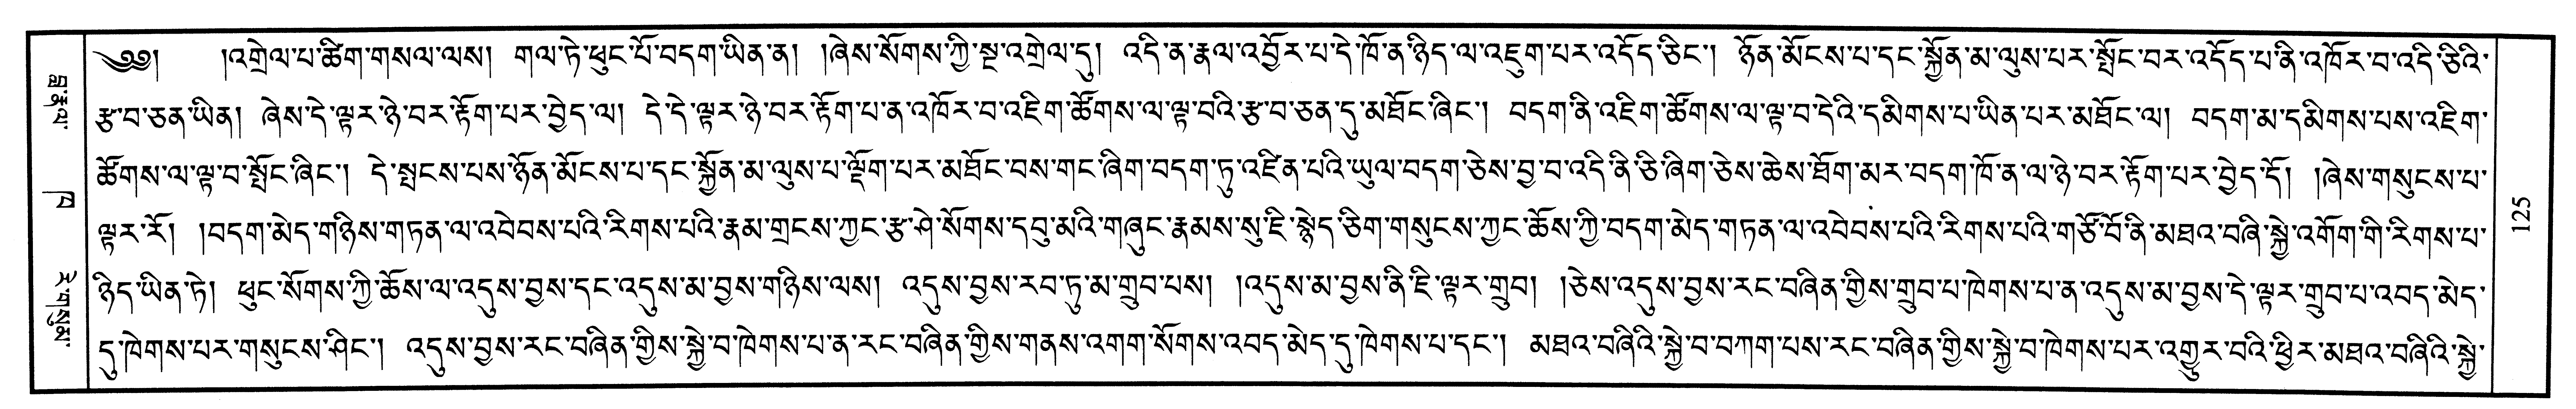༄༅། །འགྲེལ་པ་ཚིག་གསལ་ལས། གལ་ཏེ་ཕུང་པོ་བདག་ཡིན་ན། །ཞེས་སོགས་ཀྱི་སྔ་འགྲེལ་དུ། འདི་ན་རྣལ་འབྱོར་པ་དེ་ཁོ་ན་ཉིད་ལ་འཇུག་པར་འདོད་ཅིང་། ཉོན་མོངས་པ་དང་སྐྱོན་མ་ལུས་པར་སྤོང་བར་འདོད་པ་ནི་འཁོར་བ་འདི་ཅིའི་
རྩ་བ་ཅན་ཡིན། ཞེས་དེ་ལྟར་ཉེ་བར་རྟོག་པར་བྱེད་ལ། དེ་དེ་ལྟར་ཉེ་བར་རྟོག་པ་ན་འཁོར་བ་འཇིག་ཚོགས་ལ་ལྟ་བའི་རྩ་བ་ཅན་དུ་མཐོང་ཞིང་། བདག་ནི་འཇིག་ཚོགས་ལ་ལྟ་བ་དེའི་དམིགས་པ་ཡིན་པར་མཐོང་ལ། བདག་མ་དམིགས་པས་འཇིག་
ཚོགས་ལ་ལྟ་བ་སྤོང་ཞིང་། དེ་སྤངས་པས་ཉོན་མོངས་པ་དང་སྐྱོན་མ་ལུས་པ་ལྡོག་པར་མཐོང་བས་གང་ཞིག་བདག་ཏུ་འཛིན་པའི་ཡུལ་བདག་ཅེས་བྱ་བ་འདི་ནི་ཅི་ཞིག་ཅེས་ཆེས་ཐོག་མར་བདག་ཁོ་ན་ལ་ཉེ་བར་རྟོག་པར་བྱེད་དོ། །ཞེས་གསུངས་པ་
ལྟར་རོ། །བདག་མེད་གཉིས་གཏན་ལ་འབེབས་པའི་རིགས་པའི་རྣམ་གྲངས་ཀྱང་རྩ་ཤེ་སོགས་དབུ་མའི་གཞུང་རྣམས་སུ་ཇི་སྙེད་ཅིག་གསུངས་ཀྱང་ཆོས་ཀྱི་བདག་མེད་གཏན་ལ་འབེབས་པའི་རིགས་པའི་གཙོ་བོ་ནི་མཐའ་བཞི་སྐྱེ་འགོག་གི་རིགས་པ་
ཉིད་ཡིན་ཏེ། ཕུང་སོགས་ཀྱི་ཆོས་ལ་འདུས་བྱས་དང་འདུས་མ་བྱས་གཉིས་ལས། འདུས་བྱས་རབ་ཏུ་མ་གྲུབ་པས། །འདུས་མ་བྱས་ནི་ཇི་ལྟར་གྲུབ། །ཅེས་འདུས་བྱས་རང་བཞིན་གྱིས་གྲུབ་པ་ཁེགས་པ་ན་འདུས་མ་བྱས་དེ་ལྟར་གྲུབ་པ་འབད་མེད་
དུ་ཁེགས་པར་གསུངས་ཤིང་། འདུས་བྱས་རང་བཞིན་གྱིས་སྐྱེ་བ་ཁེགས་པ་ན་རང་བཞིན་གྱིས་གནས་འགག་སོགས་འབད་མེད་དུ་ཁེགས་པ་དང་། མཐའ་བཞིའི་སྐྱེ་བ་བཀག་པས་རང་བཞིན་གྱིས་སྐྱེ་བ་ཁེགས་པར་འགྱུར་བའི་ཕྱིར་མཐའ་བཞིའི་སྐྱེ་